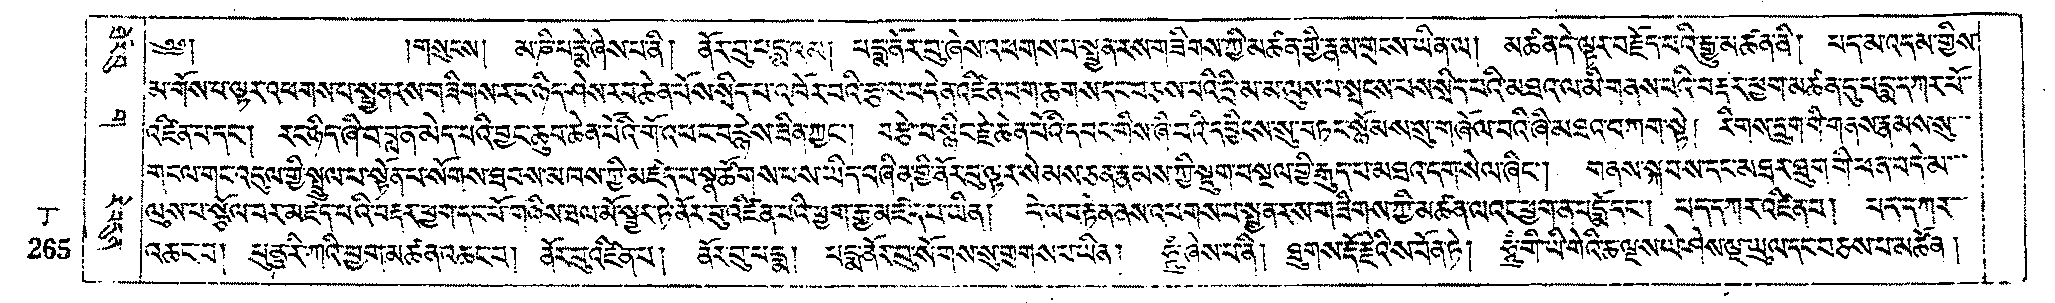༄༅། །གསུངས། མ་ཎི་པདམེ་ཞེས་པ་ནི། ནོར་བུ་པདམ་འམ། པདམ་ནོར་བུ་ཞེས་འཕགས་པ་སྤྱན་རས་གཟིགས་ཀྱི་མཚན་གྱི་རྣམ་གྲངས་ཡིན་ལ། མཚན་དེ་ལྟར་བརྗོད་པའི་རྒྱུ་མཚན་ནི། པད་མ་འདམ་གྱིས་
མ་གོས་པ་ལྟར་འཕགས་པ་སྤྱན་རས་གཟིགས་རང་ཉིད་ཤེས་རབ་ཆེན་པོས་སྲིད་པ་འཁོར་བའི་རྩ་བ་བདེན་འཛིན་བག་ཆགས་དང་བཅས་པའི་དྲི་མ་མ་ལུས་པ་སྤངས་པས་སྲིད་པའི་མཐའ་ལ་མི་གནས་པའི་བརྡར་ཕྱག་མཚན་དུ་པདམ་དཀར་པོ་་་
འཛིན་པ་དང་། རང་ཉིད་ཞི་བ་བླ་ན་མེད་པའི་བྱང་ཆུབ་ཆེན་པོའི་གོ་འཕང་བརྙེས་ཟིན་ཀྱང་། བརྩེ་བ་སྙིང་རྗེ་ཆེན་པོའི་དབང་གིས་ཞི་བའི་དབྱིངས་སུ་བཏང་སྙོམས་སུ་གཞོལ་བའི་ཞི་མཐའ་བཀག་སྟེ། རིགས་དྲུག་གི་གནས་རྣམས་སུ་་་
གང་ལ་གང་འདུལ་གྱི་སྤྲུལ་པ་སྟོན་པ་སོགས་ཐབས་མཁས་ཀྱི་མཛད་པ་སྣ་ཚོགས་པས་ཡིད་བཞིན་གྱི་ནོར་བུ་ལྟར་སེམས་ཅན་རྣམས་ཀྱི་སྡུག་བསྔལ་གྱི་རྒུད་པ་མཐའ་དག་སེལ་ཞིང་། གནས་སྐབས་དང་མཐར་ཐུག་གི་ཕན་བདེ་མ་་་
ལུས་པ་སྩོལ་བར་མཛད་པའི་བརྡར་ཕྱག་དང་པོ་གཉིས་ཐལ་མོ་སྦྱར་ཏེ་ནོར་བུ་འཛིན་པའི་ཕྱག་རྒྱ་མཛད་པ་ཡིན། དེ་ལ་བརྟེན་ནས་འཕགས་པ་སྤྱན་རས་གཟིགས་ཀྱི་མཚན་ལའང་ཕྱག་ན་པདམོ་དང་། པད་དཀར་འཛིན་པ། པད་དཀར་་་
འཆང་བ། པུནྜ་རི་ཀའི་ཕྱག་མཚན་འཆང་བ། ནོར་བུ་འཛིན་པ། ནོར་བུ་པདམ། པདམ་ནོར་བུ་སོགས་སུ་གྲགས་པ་ཡིན། ཧཱུཾ་ཞེས་པ་ནི། ཐུགས་རྡོ་རྗེའི་ས་བོན་ཏེ། ཧཱུཾ་གི་ཡི་གེའི་ཆ་ལྔས་ཡེ་ཤེས་ལྔ་ཡུལ་དང་བཅས་པ་མཚོན།